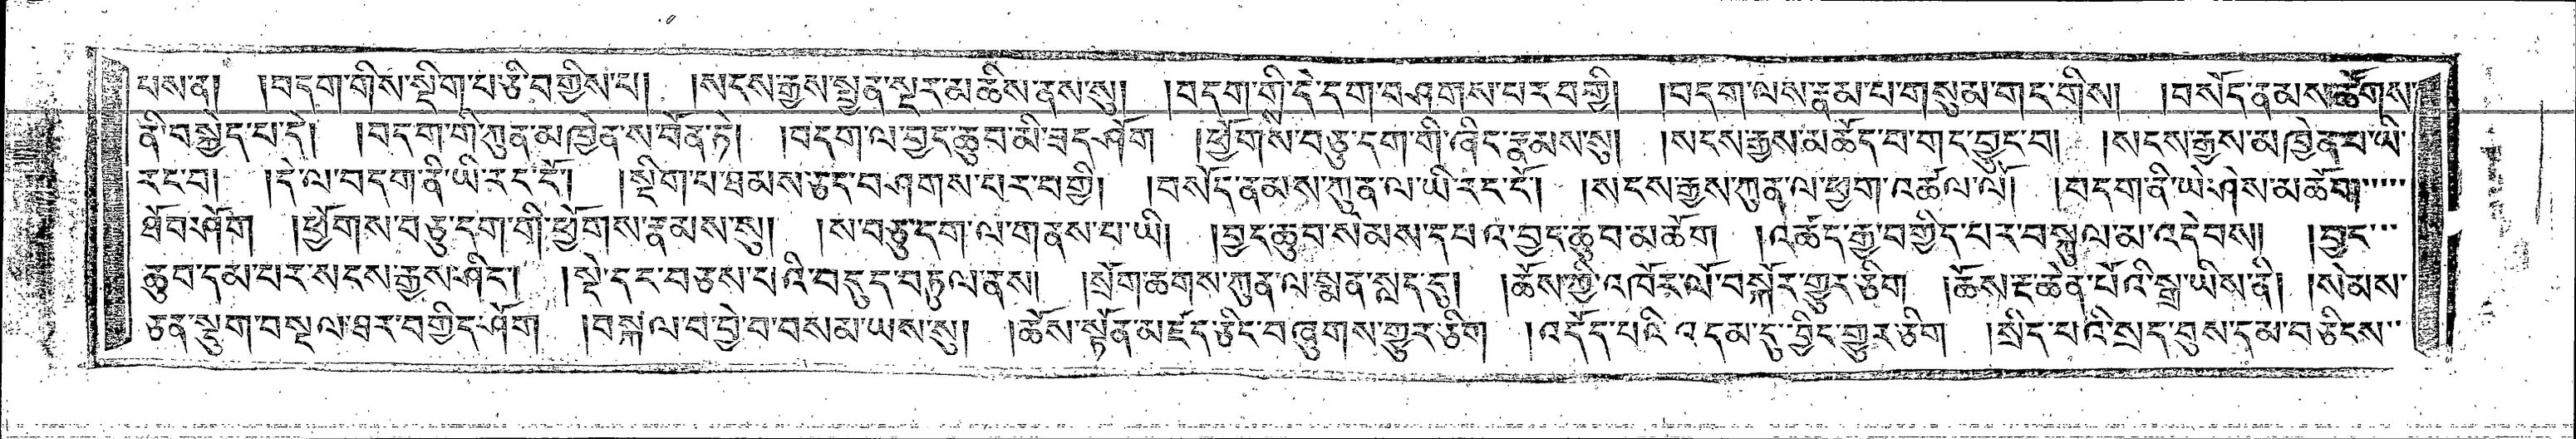པས་ན། །བདག་གིས་སྡིག་པ་ཅི་བགྱིས་པ། །སངས་རྒྱས་སྤྱན་སྔར་མཆིས་ནས་སུ། །བདག་གིས་དེ་དག་བཤགས་པར་བགྱི། །བདག་ལས་རྣམ་པ་གསུམ་གང་གིས། །བསོད་ནམས་ཚོགས་
ནི་བསྐྱེད་པ་དེ། །བདག་གི་ཀུན་མཁྱེན་ས་བོན་ཏེ། །བདག་ལ་བྱང་ཆུབ་མི་ཟད་ཤོག །ཕྱོགས་བཅུ་དག་གི་ཞིང་རྣམས་སུ། །སངས་རྒྱས་མཆོད་པ་གང་བྱུང་བ། །སངས་རྒྱས་མཁྱེན་པ་ཡི་
རང་བ། །དེ་ལ་བདག་ནི་ཡི་རང་ངོ། །སྡིག་པ་ཐམས་ཅད་བཤགས་པར་བགྱི། །བསོད་ནམས་ཀུན་ལ་ཡི་རང་ངོ། །སངས་རྒྱས་ཀུན་ལ་ཕྱག་འཚལ་ལོ། །བདག་ནི་ཡེ་ཤེས་མཆོག་
ཐོག་ཤོག །ཕྱོགས་བཅུ་དག་གི་ཕྱོགས་རྣམས་སུ། །ས་བཅུ་དག་ལ་གནས་པ་ཡི། །བྱང་ཆུབ་སེམས་དཔའ་བྱང་ཆུབ་མཆོག །འཚད་རྒྱ་བགྱིད་པར་བསྐུལ་མ་འདེབས། །བྱང་
ཆུབ་དམ་པར་སངས་རྒྱས་ཤིང་། །སྡེ་དང་བཅས་པའི་བདུད་བཏུལ་ནས། །སྲོག་ཆགས་ཀུན་ལ་སྨན་སླད་དུ། །ཆོས་ཀྱི་འཁོར་ལོ་བསྐོར་གྱུར་ཅིག །ཆོས་རྔ་ཆེན་པོའི་སྒྲ་ཡིས་ནི། །སེམས་
ཅན་སྡུག་བསྔལ་ཐར་བགྱིད་ཤོག །བསྐལ་བ་བྱེ་བ་བསམ་ཡས་སུ། །ཆོས་སྟོན་མཛད་ཅིང་བཞུགས་གྱུར་ཅིག །འདོད་པའི་འདམ་དུ་བྱིང་གྱུར་ཅིག །སྲིད་པའི་སྲད་བུས་དམ་བཅིངས་